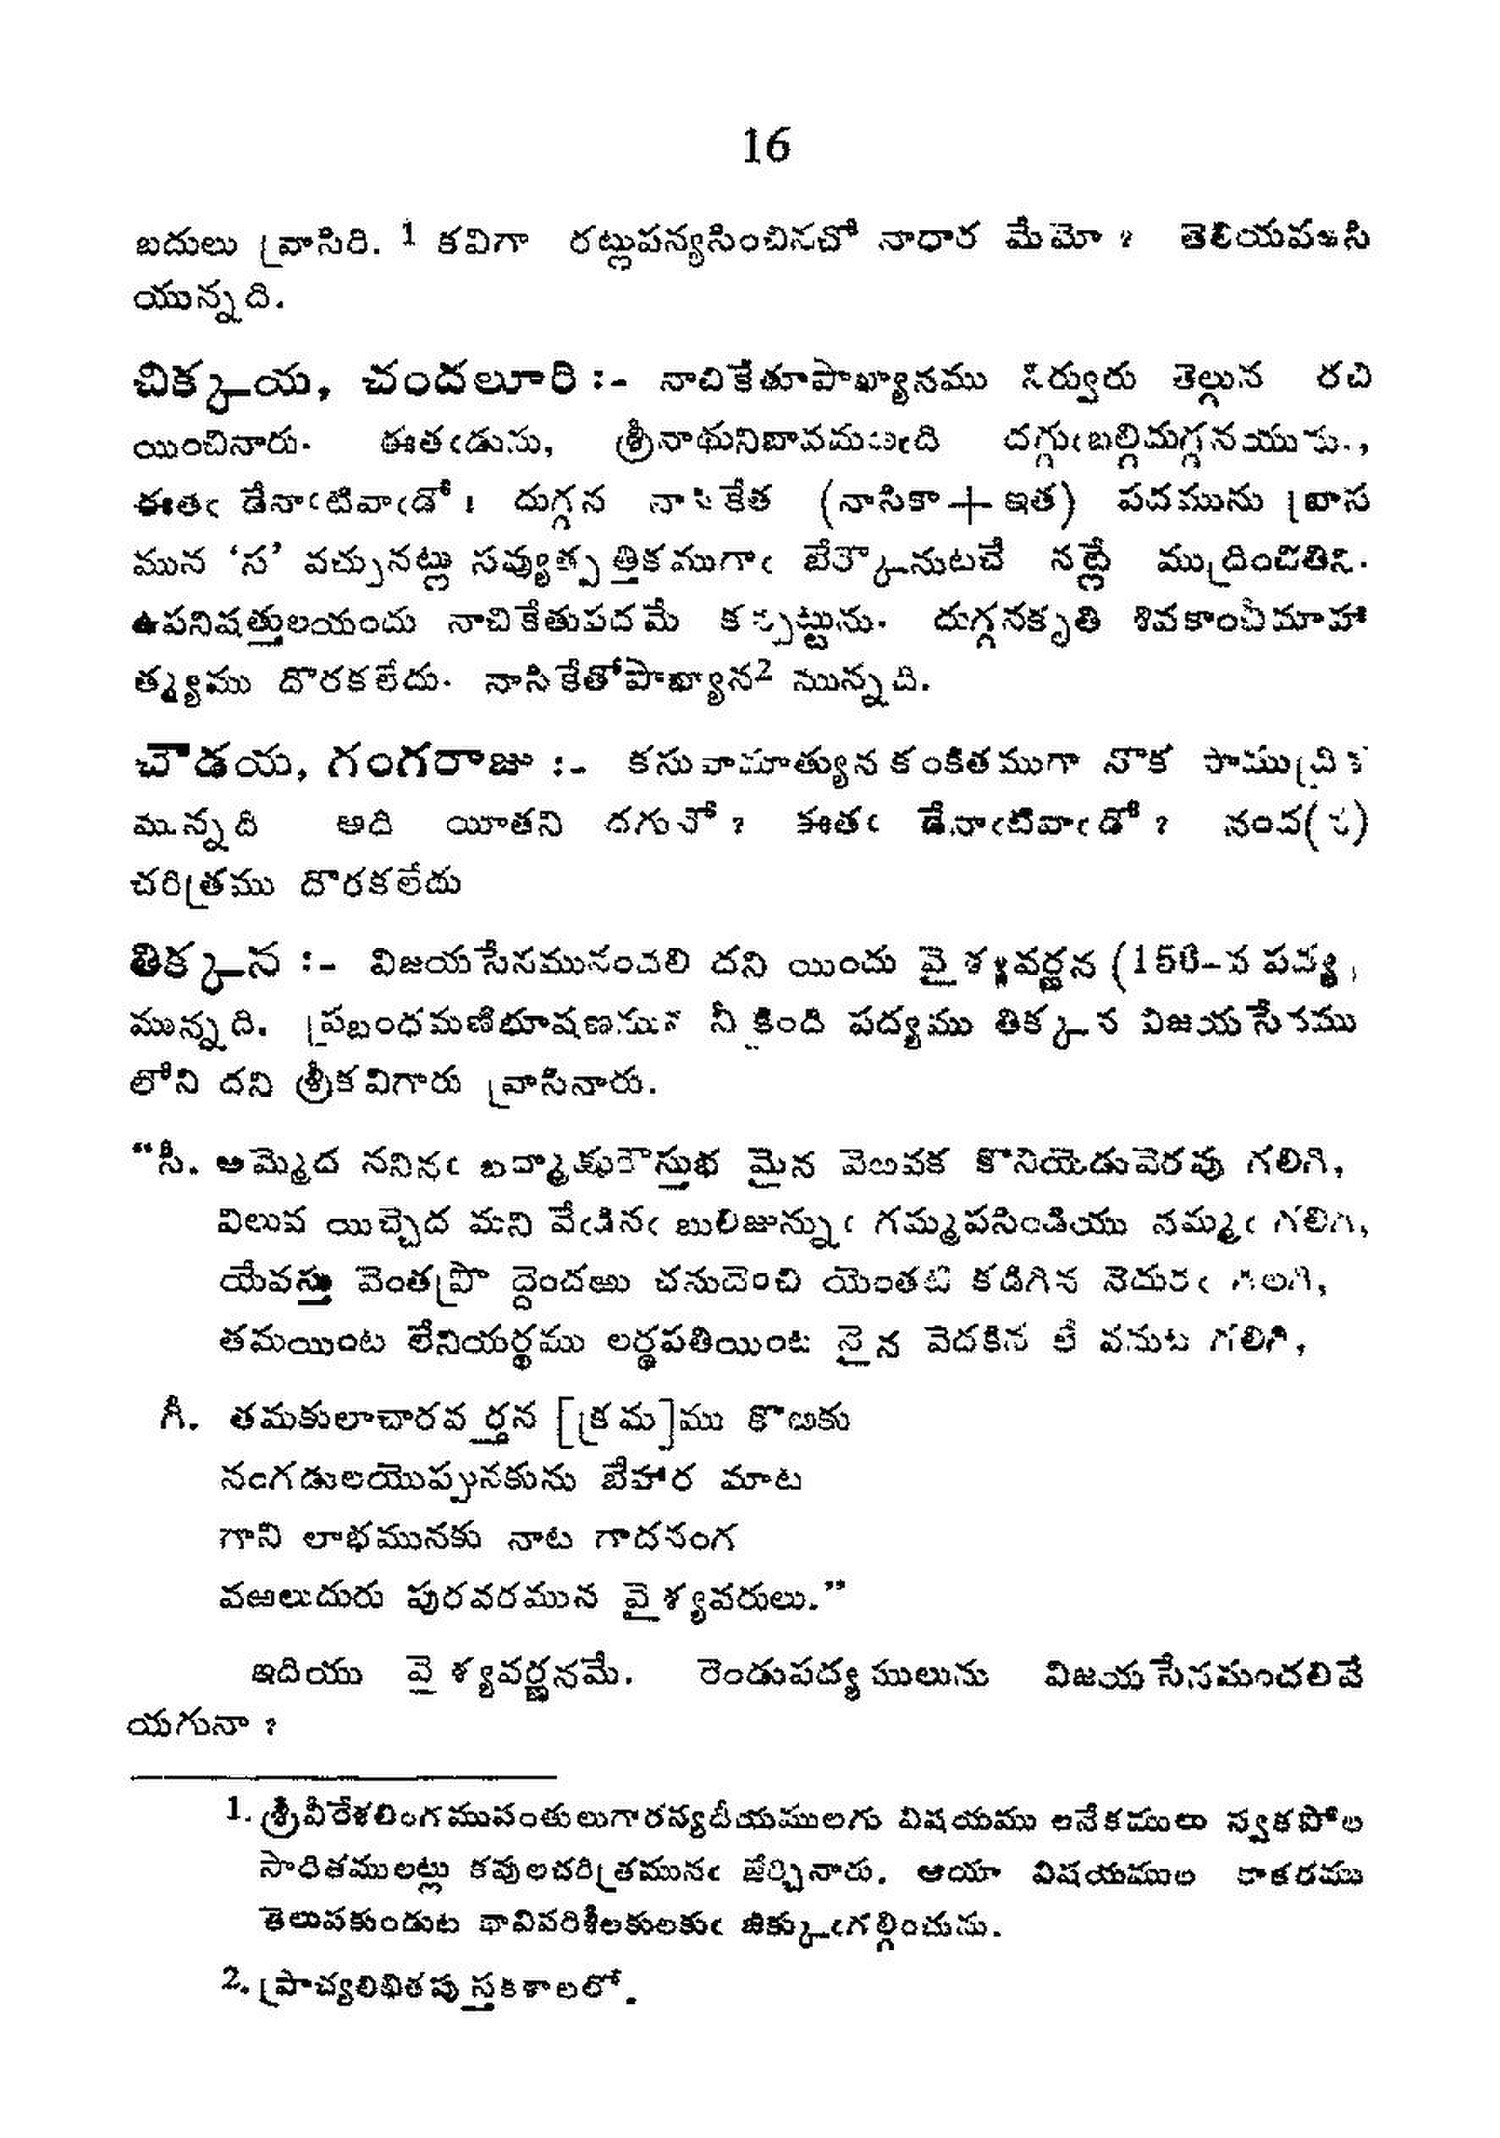బదులు వ్రాసిరి. కవిగా రట్లుపన్యసించినచో నాధార మేమో! తెలయవలసి
యున్నది.

చిక్కయ, చందలూరి:- నాచికేతూపాఖ్యానము నిర్వురు తెల్గున రచియించినారు. ఈతఁడును, శ్రీనాథుని బావమఱఁది దగ్గుఁబల్లి దుగ్గనయును. ఈతఁ డేనాఁటివాఁడో! దుగ్గన నాసికేత (నాసికా + ఇత) పదమును బ్రాసమున 'స' వచ్చునట్లు సవ్యుత్పత్తికముగాఁ బేర్కొనుటచే నదే ముద్రించితిని.
ఉపనిషత్తులయందు నాచికేతుపదమే కన్పట్టును. దుగ్గనకృతి శివకాంచీమాహాత్మ్యము దొరకలేదు. నాసికేతోపాఖ్యాన మున్నది.
చౌడయ, గంగరాజు : - కసువామాత్యున కంకితముగా నొక సాముద్రిక మున్నది. అది యీతని దగునో? ఈతఁ డేనాఁటివాఁడో? నంద(న)చరిత్రము దొరకలేదు.

తిక్కన:- విజయసేనమునందలి దని యిందు వైశ్యవర్ణన (156- వ పద్య మున్నది. ప్రబంధమణి భూషణమున నీ క్రింది పద్యము తిక్కన విజయసేనములోని దని శ్రీకవిగారు వ్రాసినారు.

“సీ. అమ్మెద ననినఁ బద్మాక్షు కౌస్తుభ మైన వెఱవక కొనియెడు వెరవు గలిగి,
 విలువ యిచ్చెద మని వేడినఁ బులిజున్నుఁ గమ్మపసిండియు నమ్మఁ గలిగి,
 యేవస్తు వెంత ప్రొ ద్దెందఱు చనుదెంచి యెంతటి కడిగిన నెదురఁ గలగి,
 తమయింట లేనియర్థము లర్థపతియింట నైన వెదకిన లే వనుట గలిగి,
గీ. తమకులాచారవర్తన [క్రమ]ము కొఱకు
 నంగడులయొప్పునకును బేహార మాట
 గాని లాభమునకు నాట గాదనంగ
 వఱులుదురు పురవరమున వైశ్యవరులు.”

ఇదియు వైశ్యవర్ణనమే. రెండుపద్యములును విజయ సేనమందలివే యగునా?